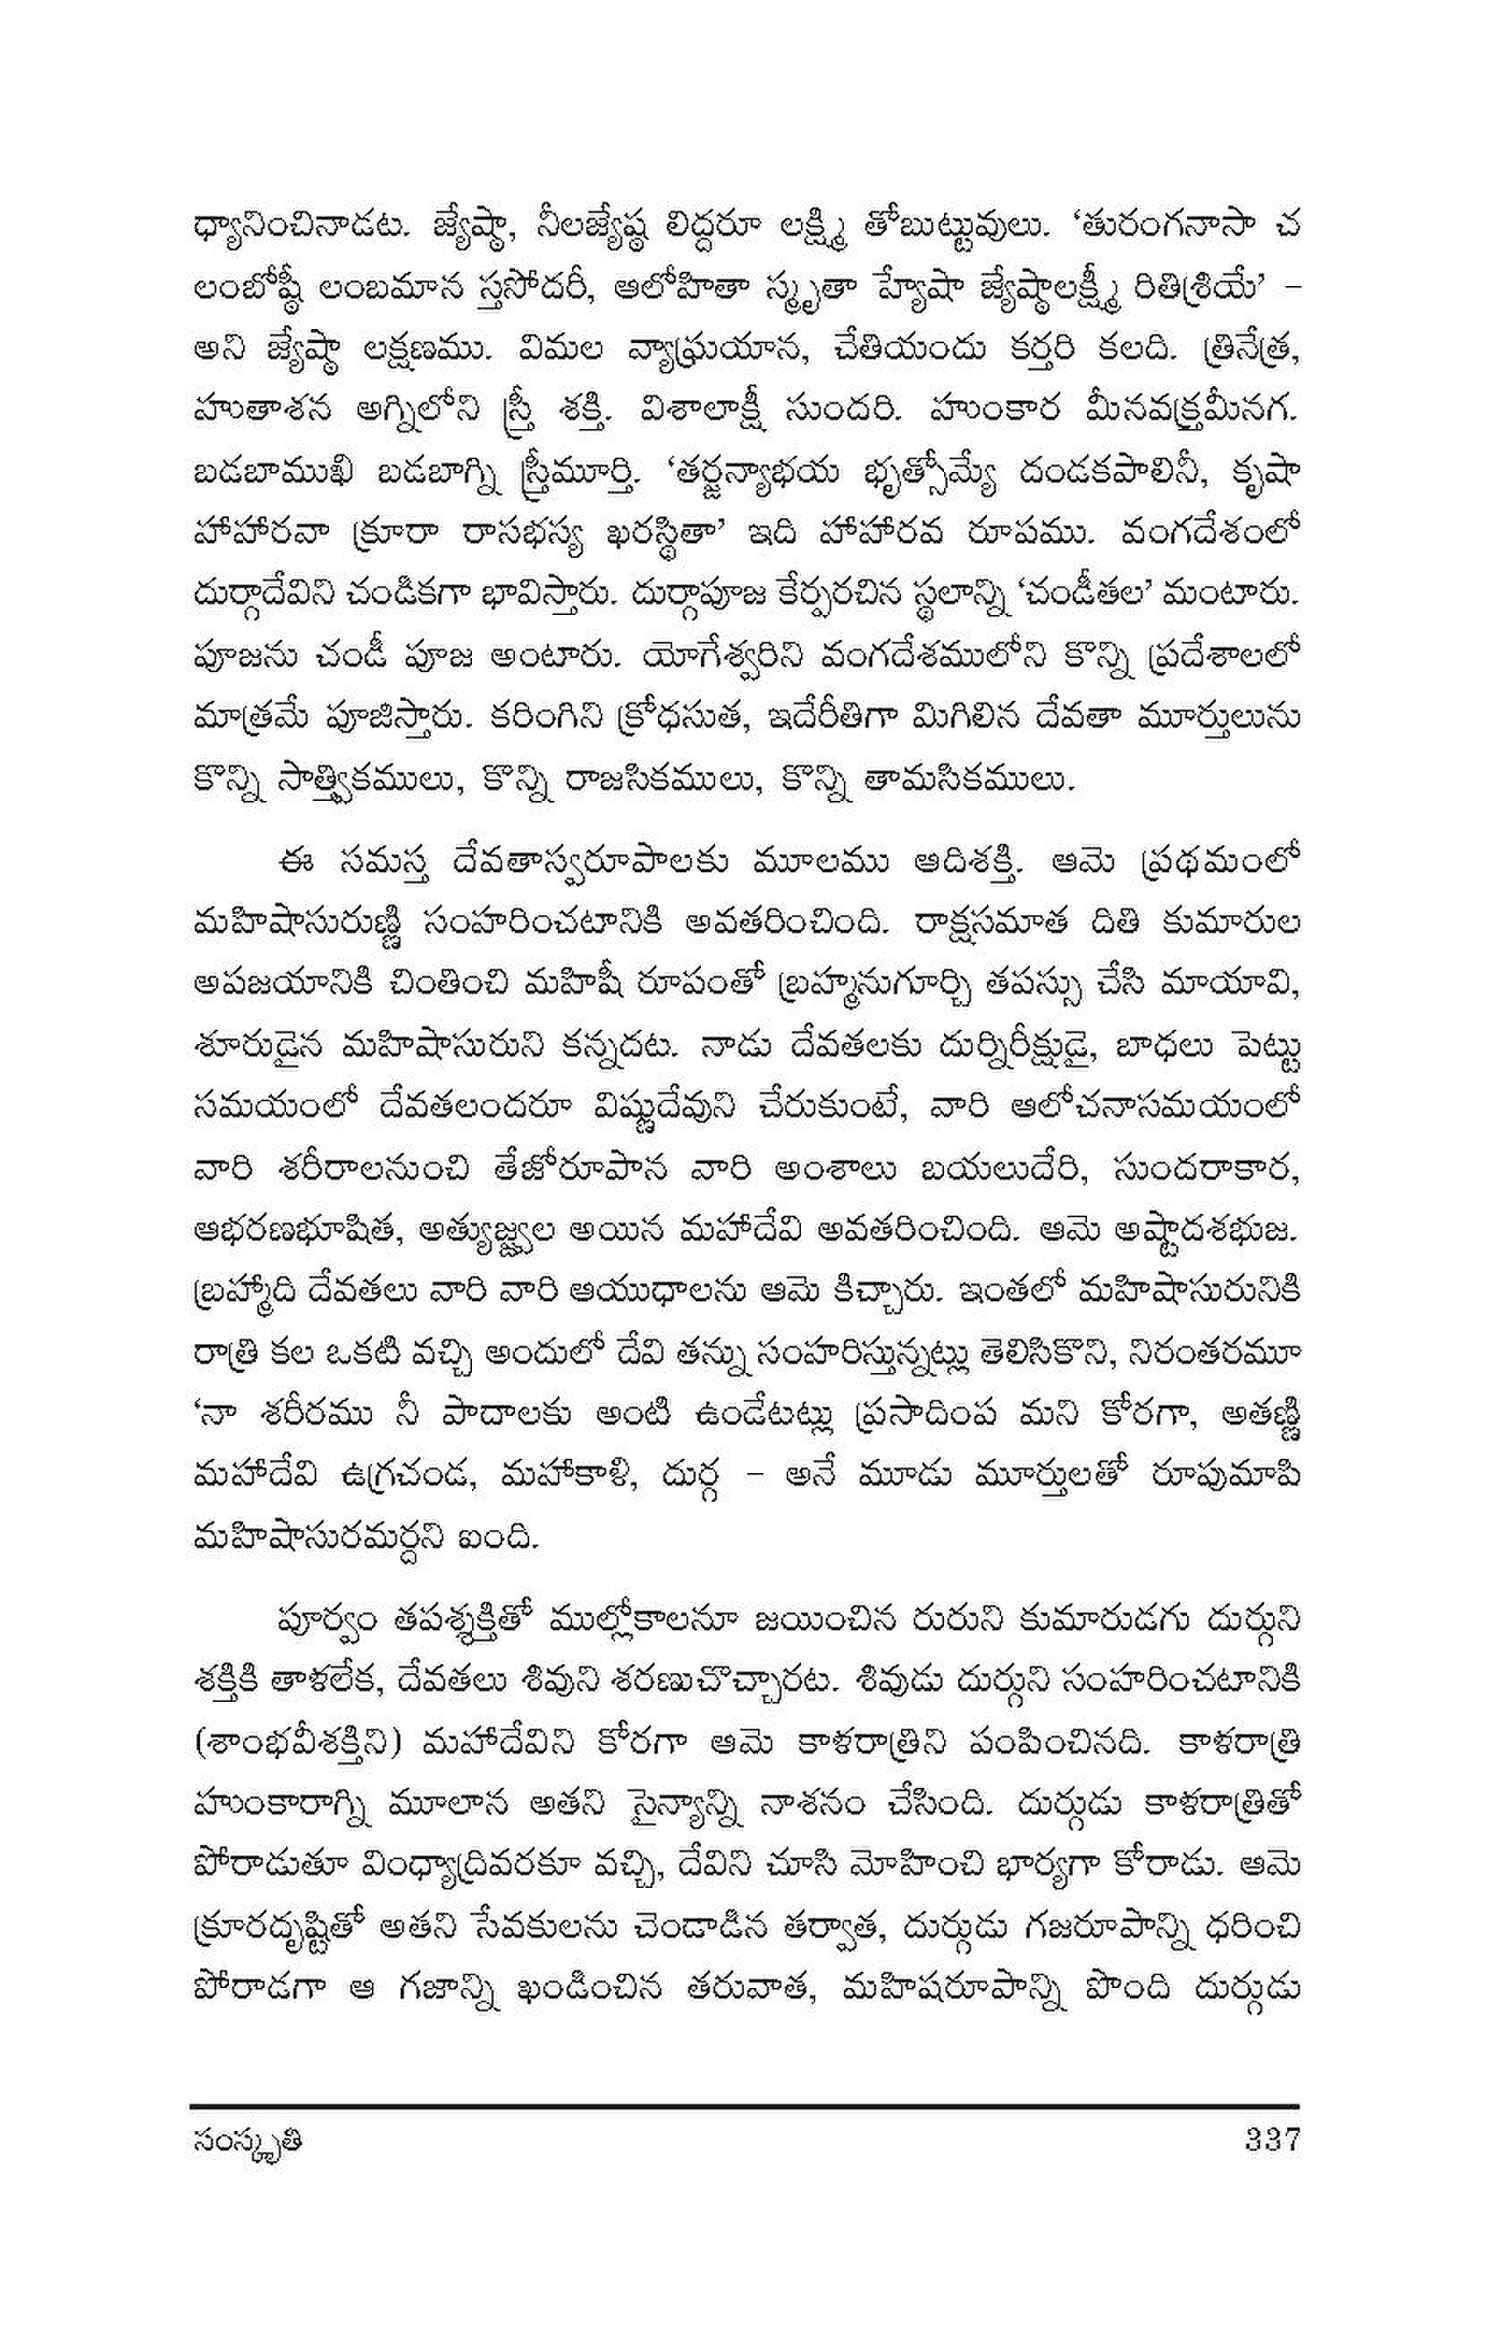ధ్యానించినాడట. జ్యేష్ఠా, నీలజ్యేష్ఠ లిద్దరూ లక్ష్మి తోబుట్టువులు. 'తురంగనాసా చ
లంబోష్ఠీ లంబమాన స్తసోదరీ, ఆలోహితా స్మృతా హ్యేషా జ్యేష్టాలక్ష్మీ రితిశ్రియే' -
అని జ్యేష్ఠా లక్షణము. విమల వ్యాఘ్రయాన, చేతియందు కర్తరి కలది. త్రినేత్ర,
హుతాశన అగ్నిలోని స్త్రీ శక్తి. విశాలాక్షీ సుందరి. హుంకార మీనవక్త్రమీనగ.
బడబాముఖి బడబాగ్ని స్త్రీమూర్తి. 'తర్జన్యాభయ భృత్సోమ్యే దండకపాలినీ, కృష్ణా
హాహారవా క్రూరా రాసభస్య ఖరస్థితా' ఇది హాహారవ రూపము. వంగదేశంలో
దుర్గాదేవిని చండికగా భావిస్తారు. దుర్గాపూజ కేర్పరచిన స్థలాన్ని 'చండీతల' మంటారు.
పూజను చండీ పూజ అంటారు. యోగేశ్వరిని వంగదేశములోని కొన్ని ప్రదేశాలలో
మాత్రమే పూజిస్తారు. కరింగిని క్రోధసుత, ఇదేరీతిగా మిగిలిన దేవతా మూర్తులును
కొన్ని సాత్వికములు, కొన్ని రాజసికములు, కొన్ని తామసికములు.

ఈ సమస్త దేవతాస్వరూపాలకు మూలము ఆదిశక్తి. ఆమె ప్రథమంలో
మహిషాసురుణ్ణి సంహరించటానికి అవతరించింది. రాక్షసమాత దితి కుమారుల
అపజయానికి చింతించి మహిషీ రూపంతో బ్రహ్మనుగూర్చి తపస్సు చేసి మాయావి,
శూరుడైన మహిషాసురుని కన్నదట. నాడు దేవతలకు దుర్నిరీక్షుడై, బాధలు పెట్టు
సమయంలో దేవతలందరూ విష్ణుదేవుని చేరుకుంటే, వారి ఆలోచనాసమయంలో
వారి శరీరాలనుంచి తేజోరూపాన వారి అంశాలు బయలుదేరి, సుందరాకార,
ఆభరణభూషిత, అత్యుజ్జ్వల అయిన మహాదేవి అవతరించింది. ఆమె అష్టాదశభుజ.
బ్రహ్మాది దేవతలు వారి వారి ఆయుధాలను ఆమె కిచ్చారు. ఇంతలో మహిషాసురునికి
రాత్రి కల ఒకటి వచ్చి అందులో దేవి తన్ను సంహరిస్తున్నట్లు తెలిసికొని, నిరంతరమూ
'నా శరీరము నీ పాదాలకు అంటి ఉండేటట్లు ప్రసాదింప మని కోరగా, అతణ్ణి
మహాదేవి ఉగ్రచండ, మహాకాళి, దుర్గ - అనే మూడు మూర్తులతో రూపుమాపి
మహిషాసురమర్దని ఐంది.

పూర్వం తపశ్శక్తితో ముల్లోకాలనూ జయించిన రురుని కుమారుడగు దుర్గుని
శక్తికి తాళలేక, దేవతలు శివుని శరణుచొచ్చారట. శివుడు దుర్గుని సంహరించటానికి
(శాంభవీశక్తిని) మహాదేవిని కోరగా ఆమె కాళరాత్రిని పంపించినది. కాళరాత్రి
హుంకారాగ్ని మూలాన అతని సైన్యాన్ని నాశనం చేసింది. దుర్గుడు కాళరాత్రితో
పోరాడుతూ వింధ్యాద్రివరకూ వచ్చి, దేవిని చూసి మోహించి భార్యగా కోరాడు. ఆమె
క్రూరదృష్టితో అతని సేవకులను చెండాడిన తర్వాత, దుర్గుడు గజరూపాన్ని ధరించి
పోరాడగా ఆ గజాన్ని ఖండించిన తరువాత, మహిషరూపాన్ని పొంది దుర్గుడు